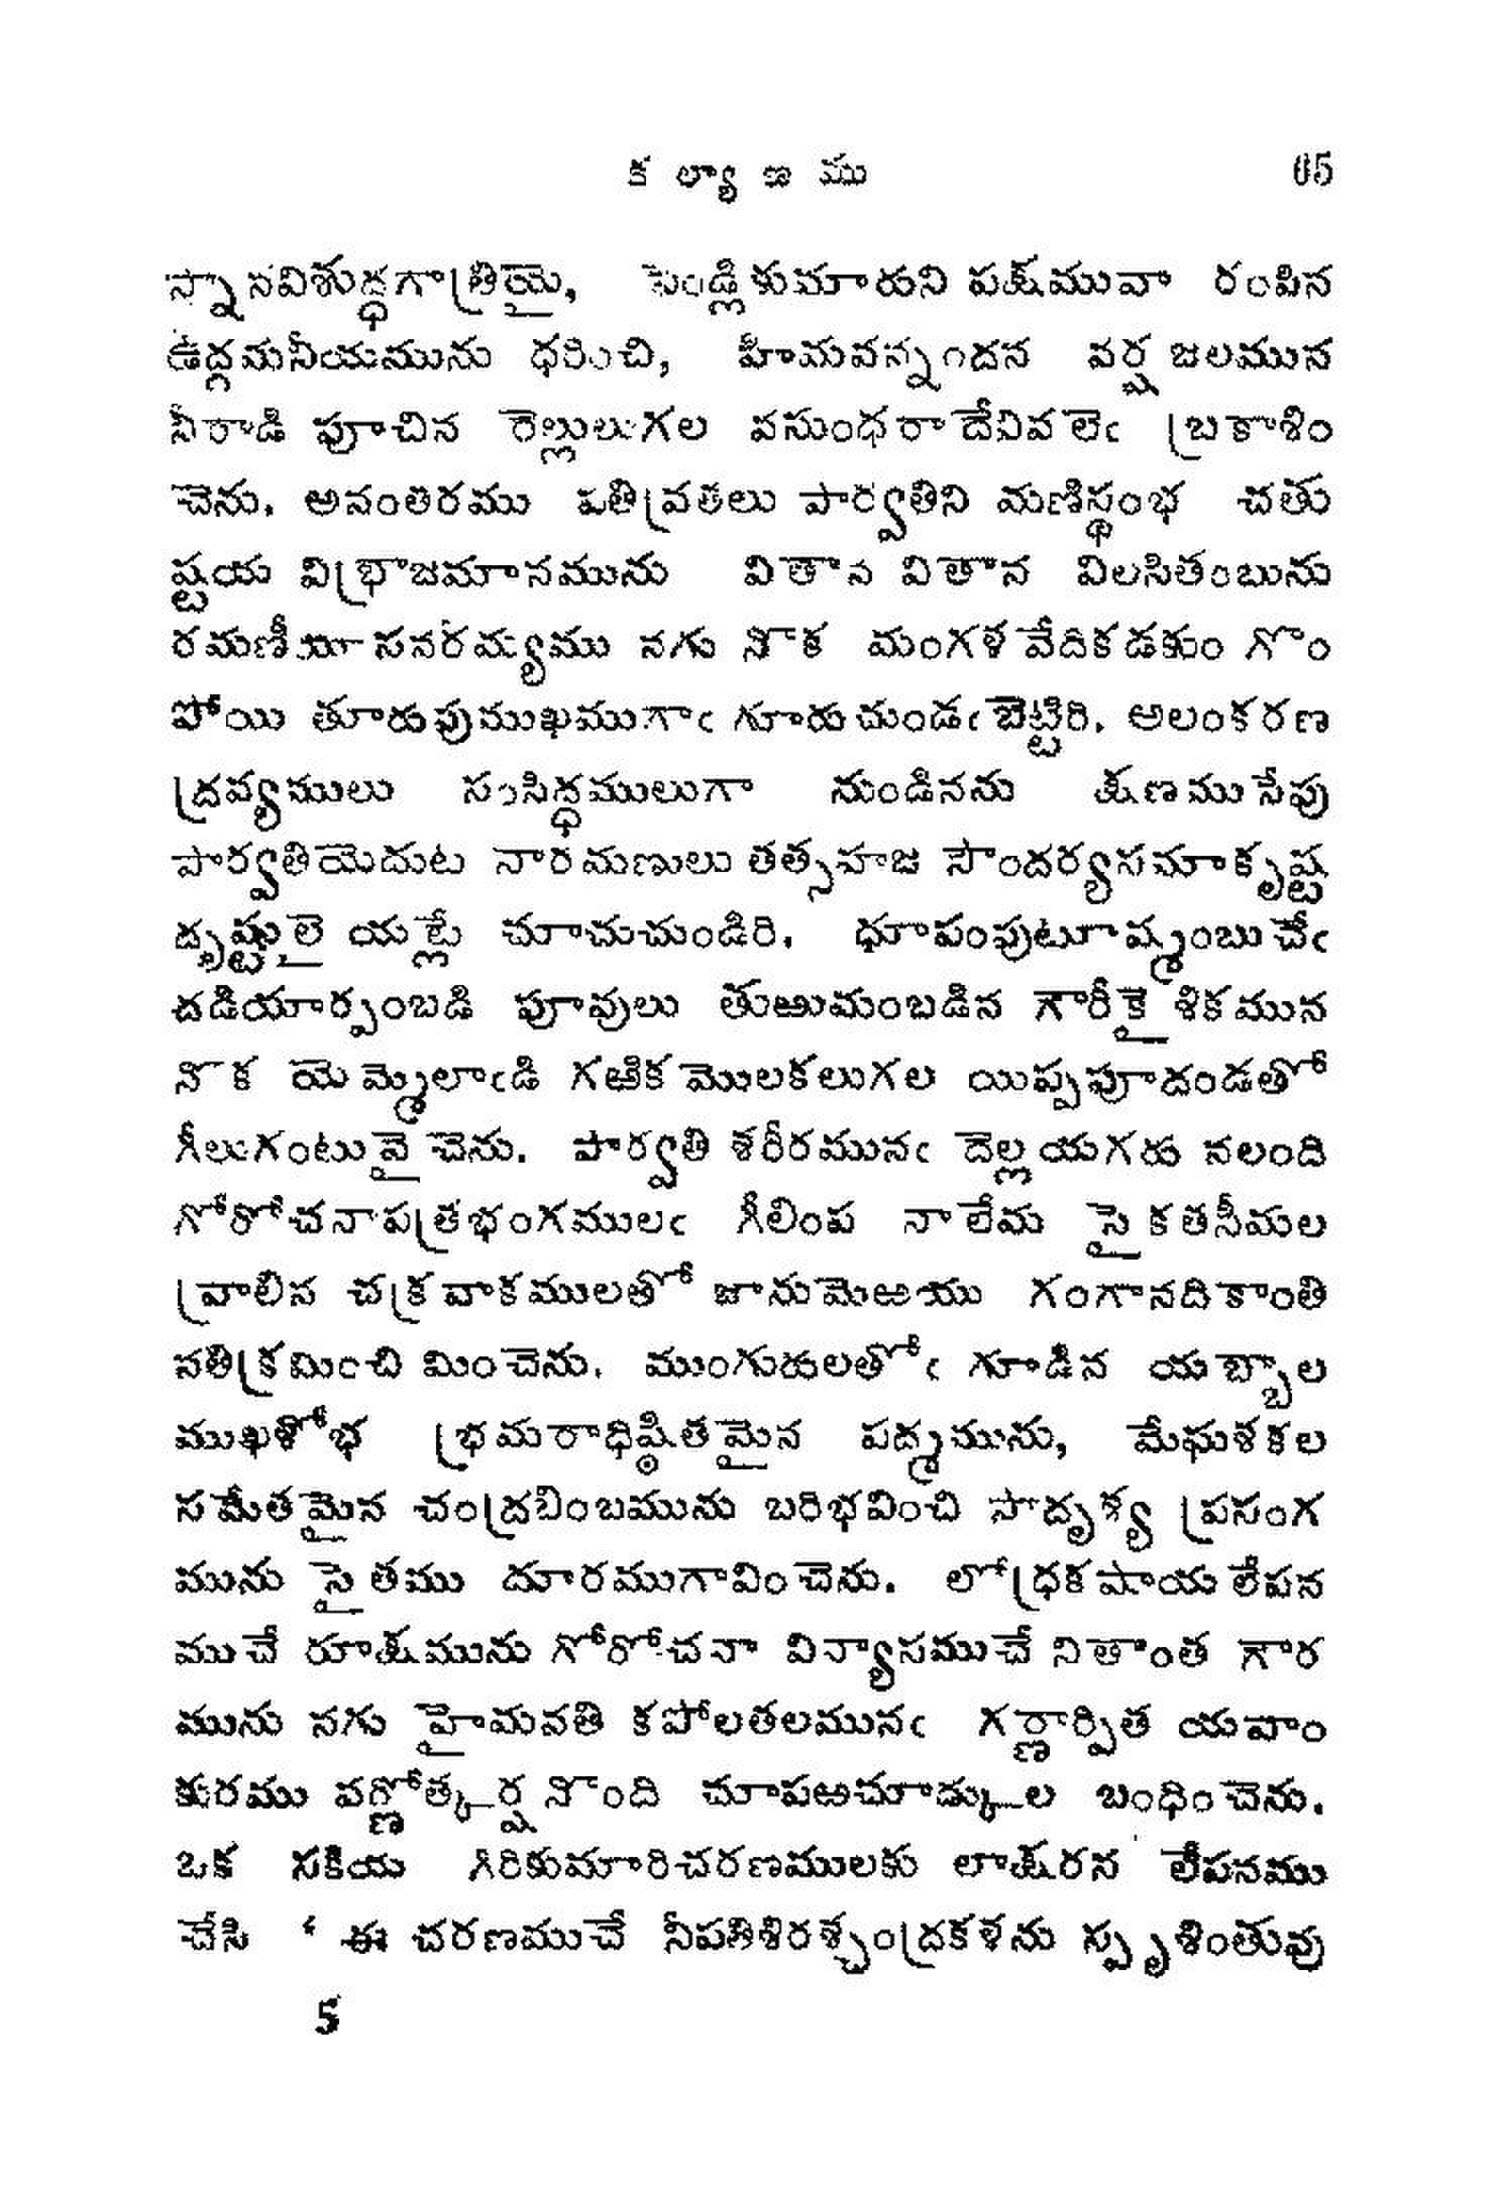స్నానవిశుద్ధగాత్రియై, పెండ్లికుమారుని పక్షమువా రంపిన ఉద్గమనీయమును ధరించి, హిమనన్నందన వర్ష జలమున
నీరాడి పూచిన రెల్లులు గల వసుంధరా దేవివలెఁ బ్రకాశించెను, అనంతరము పతివ్రతలు పార్వతిని మణిస్థంభ చతుష్టయ విభ్రాజమానమును వితాన వితాన విలసితంబును రమణీయాసన రమ్యము నగు నొక మంగళ వేదికడకుం గొంపోయి తూరుపుముఖముగాఁ గూరుచుండఁ బెట్టిరి, అలంకరణ ద్రవ్యములు సంసిద్ధములుగా నుండినను క్షణము సేపు పార్వతి యెదుట నారమణులు తత్సహజ సౌందర్యసమాకృష్ణ దృష్టులై యట్లే చూచుచుండిరి. ధూపంపుటూమ్మంబు చేఁ
దడియార్పంబడి పూవులు తుఱుమంబడిన గౌరీకై శికమున నొక యెమ్మెలాఁడి గఱిక మొలకలుగల యిప్ప పూదండతో
గీలు గంటు వైచెను. పార్వతి శరీరమునఁ దెల్లయగరు నలంది గోరోచనాపత్రభంగములఁ గీలింప నాలేమ సైకతసీమల
వ్రాలిన చక్రవాకములతో జానుమెఱయు గంగానది కాంతి నతిక్రమించి మించెను. ముంగురులతోఁ గూడిన యబ్బాల
ముఖశోభ భ్రమరాధిష్ఠితమైన పద్మమును, మేఘశకల సమేతమైన చంద్రబింబమును బరిభవించి సాదృశ్య ప్రసంగ
మును సైతము దూరముగావించెను. లోధ్రకషాయ లేపనముచే రూక్షమును గోరోచనా విన్యాసముచే నితాంత గౌరమును నగు హైమవతి కపోలతలమునఁ గర్ణార్పిత యవం కురము వర్ణోత్కర్ష నొంది చూపఱచూడ్కుల బంధించెను. ఒక సకియ గిరికుమారి చరణములకు లాక్షరన లేపనము చేసి ఈ చరణముచే నీపతిశిరశ్చంద్రకళను స్పృశింతువు